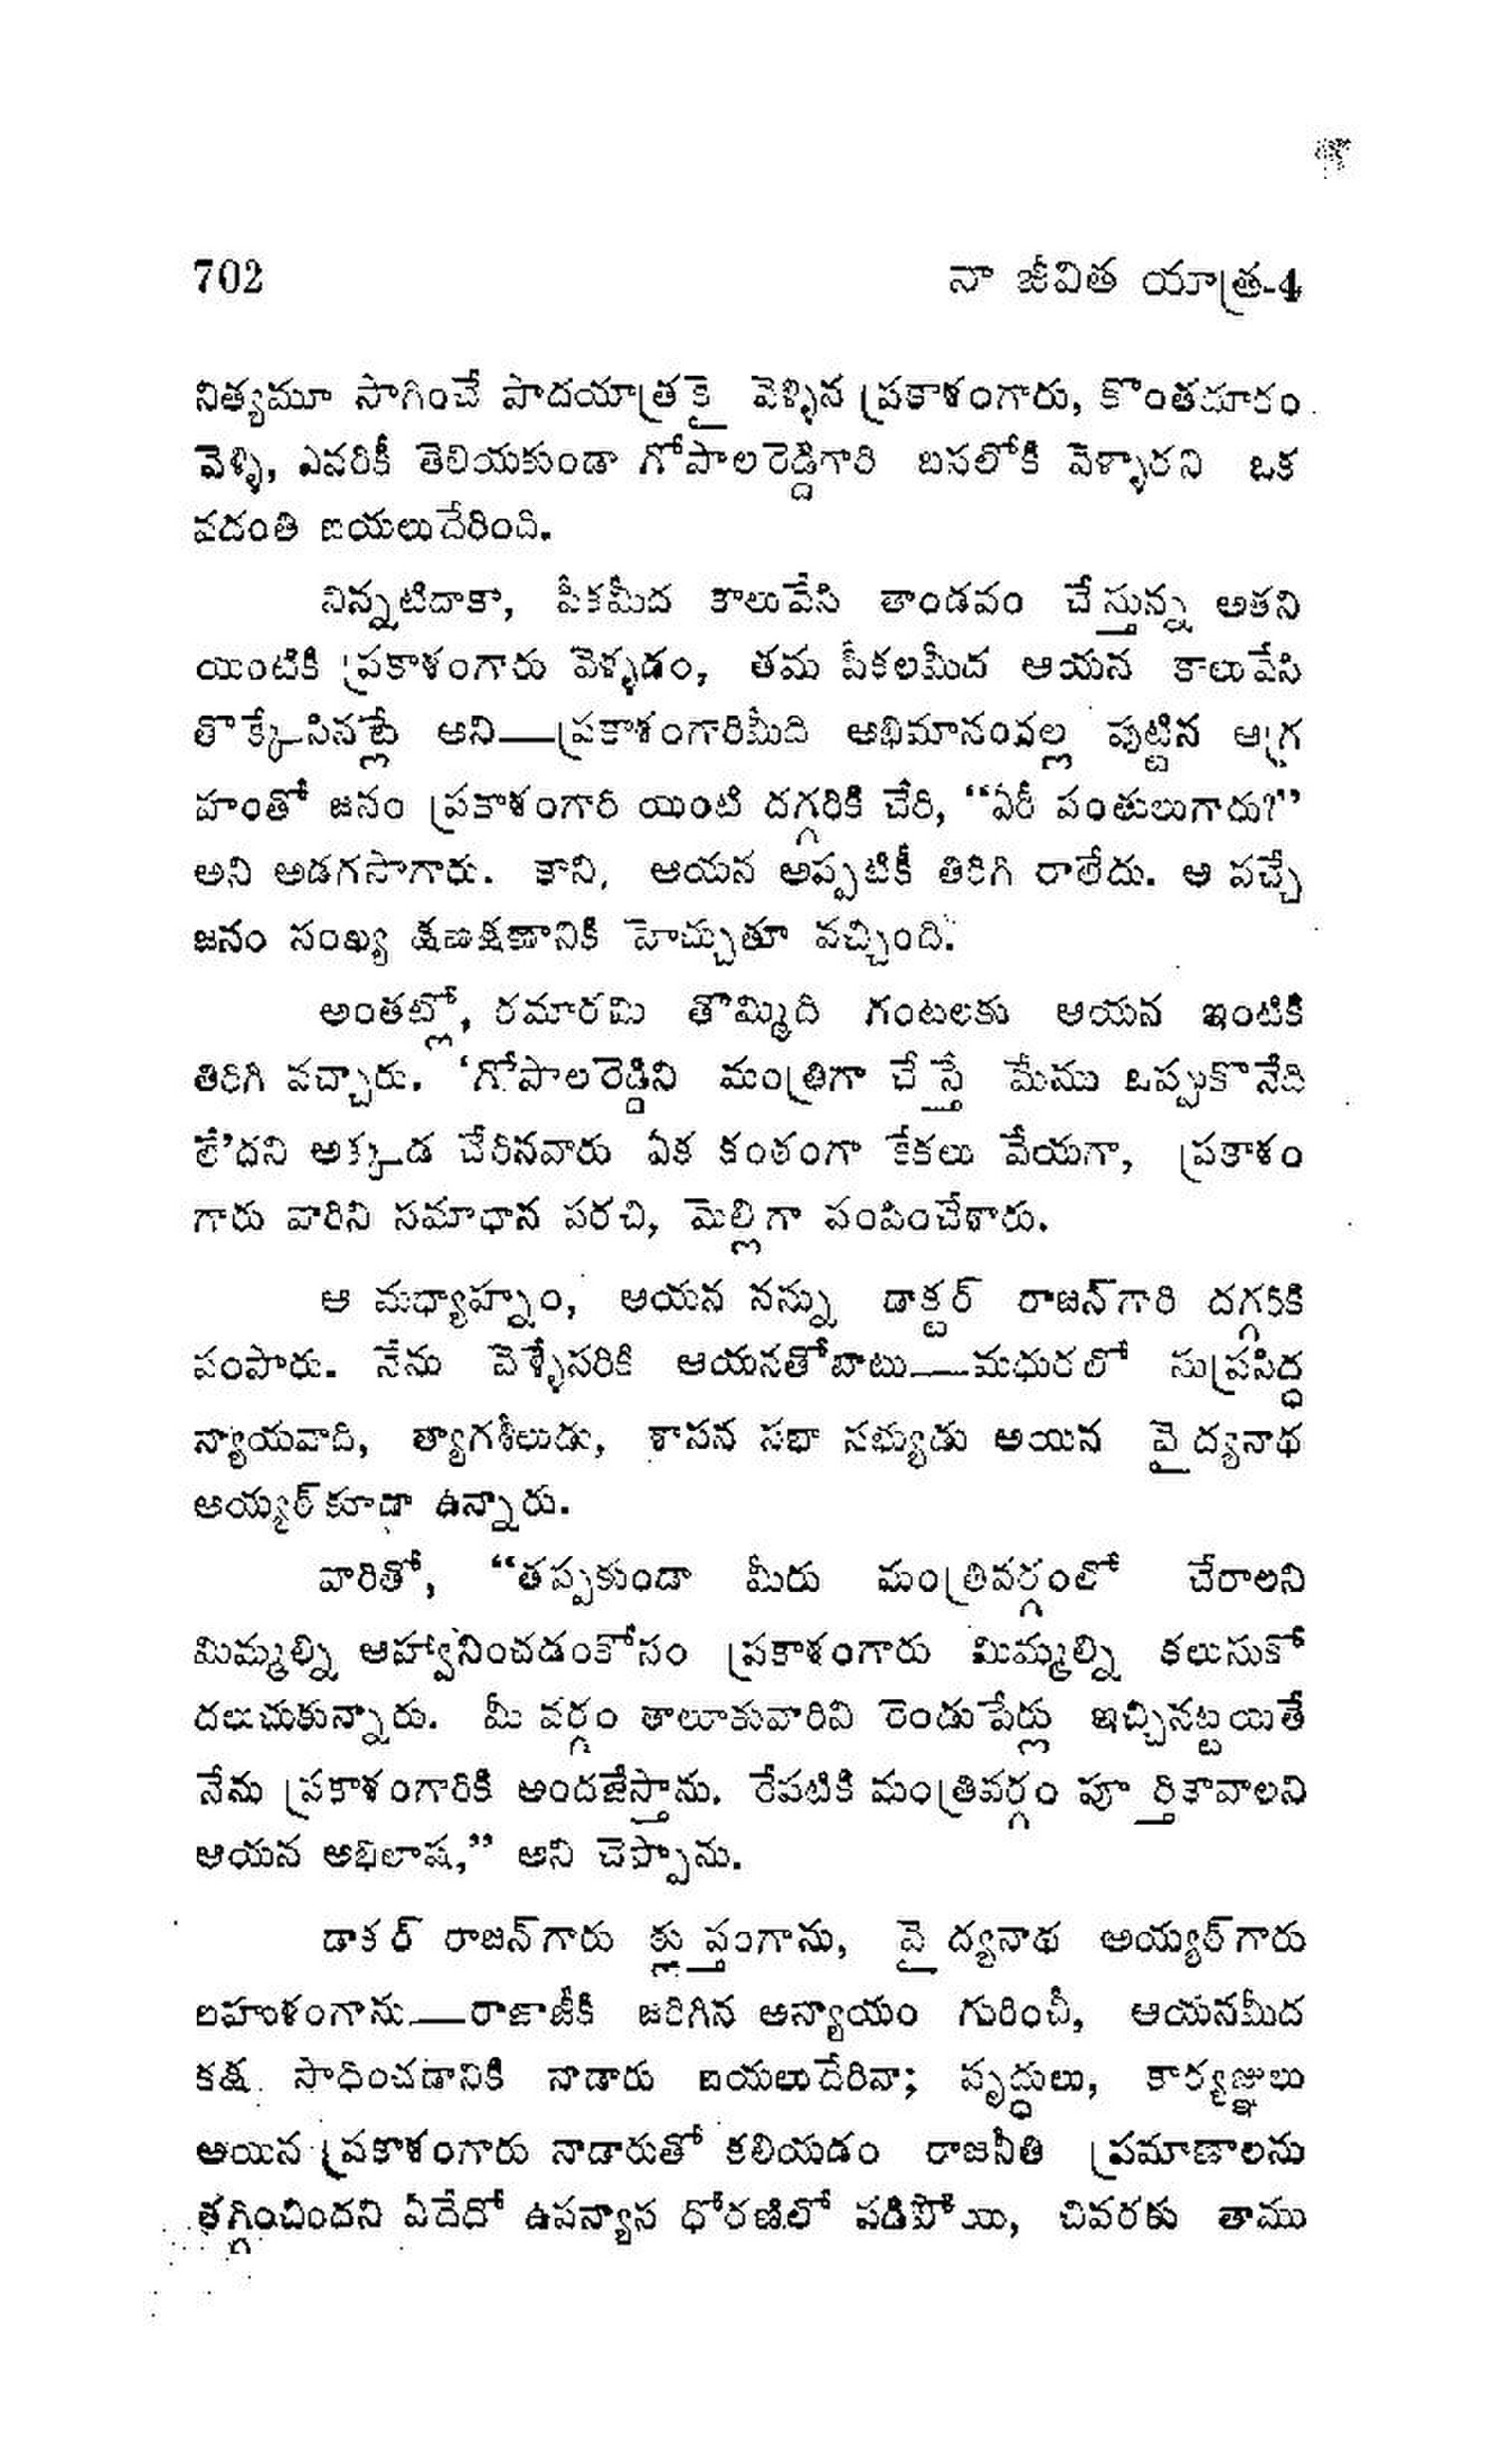నిత్యమూ సాగించే పాదయాత్రకై వెళ్ళిన ప్రకాశంగారు, కొంతదూరంవెళ్ళి, ఎవరికీ తెలియకుండా గోపాలరెడ్డిగారి బసలోకి వెళ్ళారని ఒక వదంతి బయలుదేరింది.

నిన్నటిదాకా, పీకమీద కాలువేసి తాండవం చేస్తున్న అతని యింటికి ప్రకాశంగారు వెళ్ళడం, తమ పీకలమీద ఆయన కాలువేసి తొక్కేసినట్లే అని - ప్రకాశంగారిమీది అభిమానంవల్ల పుట్టిన ఆగ్రహంతో జనం ప్రకాశంగారి యింటి దగ్గరికి చేరి, "ఏరీ పంతులుగారు?" అని అడగసాగారు. కాని, ఆయన అప్పటికి తిరిగి రాలేదు. అ వచ్చే జనం సంఖ్య క్షణక్షణానికి హెచ్చుతూ వచ్చింది.

అంతట్లో, రమారమి తొమ్మిది గంటలకు ఆయన ఇంటికి తిరిగి వచ్చారు. 'గోపాల రెడ్డిని మంత్రిగా చేస్తే మేము ఒప్పుకొనేది లే'దని అక్కడ చేరినవారు ఏక కంఠంగా కేకలు వేయగా, ప్రకాశం గారు వారిని సమాధాన పరచి, మెల్లిగా పంపించేశారు.

ఆ మధ్యాహ్నం, ఆయన నన్ను డాక్టర్ రాజన్‌గారి దగ్గరికి పంపారు. నేను వెళ్ళేసరికి ఆయనతోబాటు - మధురలో సుప్రసిద్ద న్యాయవాది, త్యాగశీలుడు, శాసన సభా సభ్యుడు అయిన వైద్యనాథ అయ్యర్‌కూడా ఉన్నారు.

వారితో, "తప్పకుండా మీరు మంత్రివర్గంలో చేరాలని మిమ్మల్ని ఆహ్వానించడంకోసం ప్రకాశంగారు మిమ్మల్ని కలుసుకోదలుచుకున్నారు. మీ వర్గం తాలూకువారిని రెండుపేర్లు ఇచ్చినట్టయితే నేను ప్రకాశంగారికి అందజేస్తాను. రేపటికి మంత్రివర్గం పూర్తికావాలని ఆయన అభిలాష," అని చెప్పాను.

డాక్టర్ రాజన్‌గారు క్లుప్తంగాను, వైద్యనాథ అయ్యర్‌గారు బహుళంగాను - రాజాజీకి జరిగిన అన్యాయం గురించీ, ఆయనమీద కక్ష సాధించడానికి నాడారు బయలుదేరినా; వృద్ధులు, కార్యజ్ఞులు అయిన ప్రకాశంగారు నాడారుతో కలియడం రాజనీతి ప్రమాణాలను తగ్గించిందని ఏదేదో ఉపన్యాస ధోరణిలో పడిపోయి, చివరకు తాము